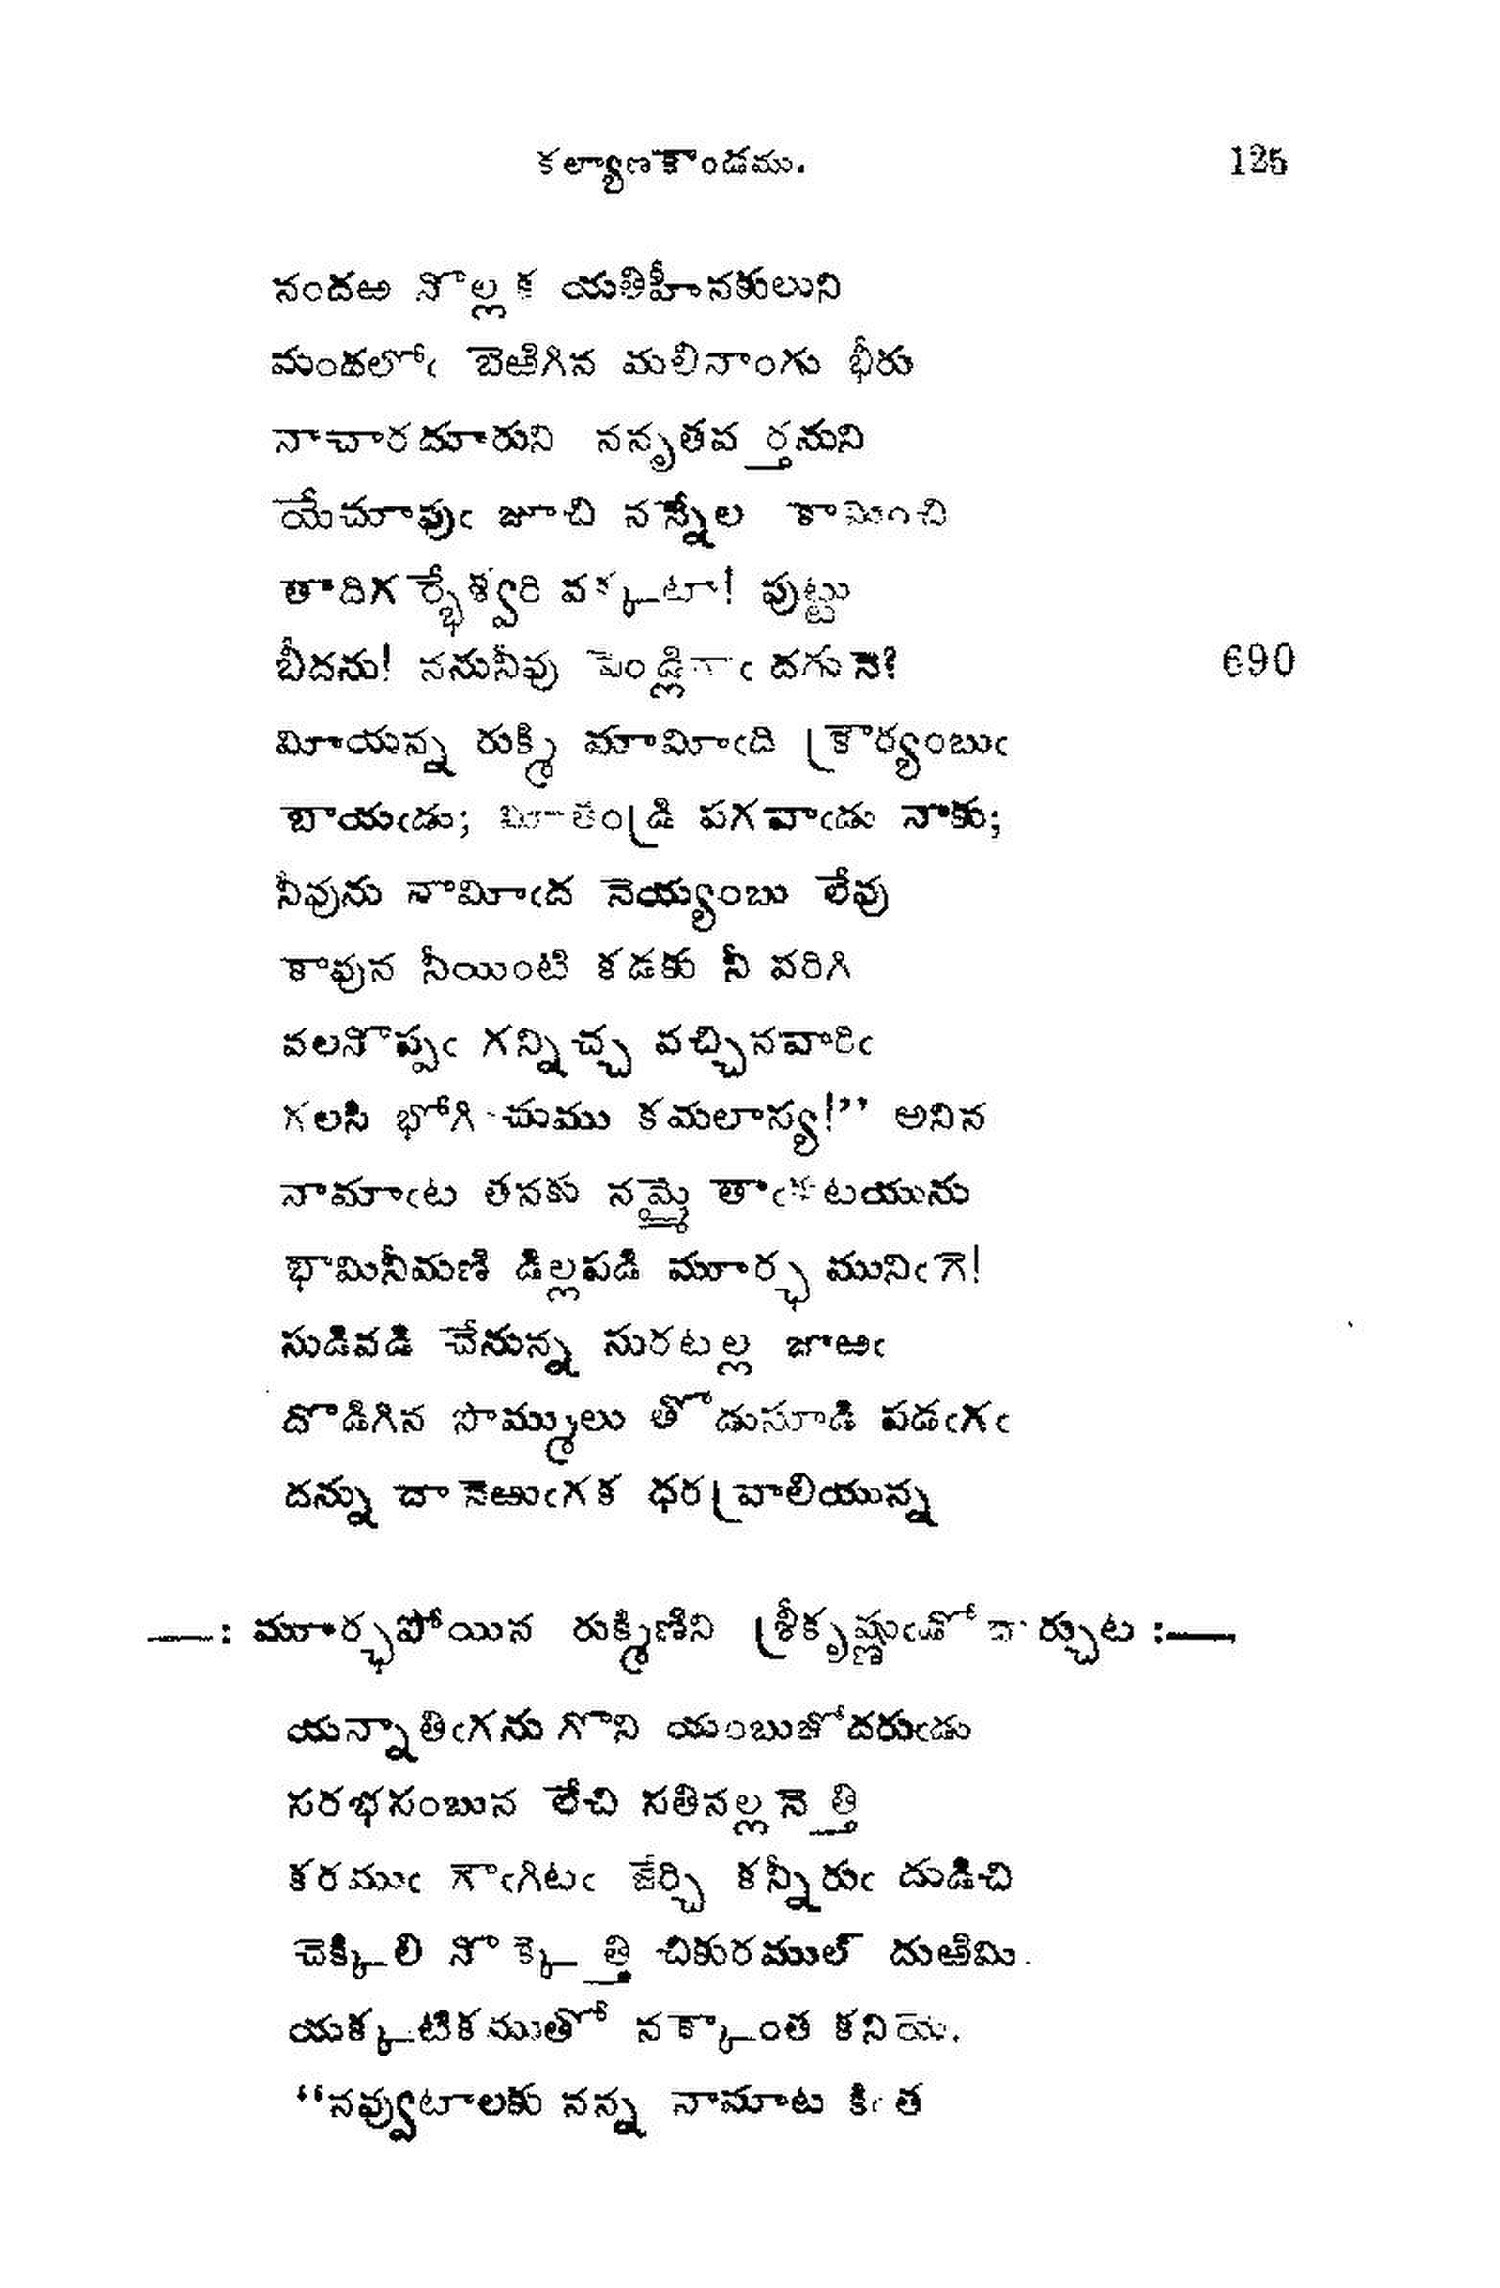నందఱ నొల్లక యతిహీనకులుని
మందలోఁ బెఱిగిన మలినాంగు భీరు
నాచారదూరుని ననృతవర్తనుని
యే చూపుఁ జూచి నన్నేల కామించి
తాదిగర్భేశ్వరి వక్కటా! పుట్టు
బీదను! నను నీవు పెండ్లిగాఁదగునె?
మీయన్న రుక్మిమామీఁది క్రౌర్యంబుఁ
బాయఁడు; మీతండ్రి పగవాఁడు నాకు; 
నీవును నామీఁద నెయ్యంబు లేవు
కావున నీయింటి కడకు నీ వరిగి
వలనొప్పఁగన్నిచ్చ వచ్చినవారిఁ
గలసి భోగించుము కమలాస్య!” అనిన
నామాఁట తనకునమ్మై తాఁకుటయును
భామినీమణి డిల్లపడి మూర్ఛ మునిఁగె! 
నుడివడి చేనున్న సురటల్ల జాఱఁ
దొడిగిన సొమ్ములు తొడుసూడి పడఁగఁ
దన్ను దానెఱుఁగక ధర వ్రాలియున్న

యన్నాతిఁ గనుగొని యంబుజోదరుఁడు
సరభసంబున లేచి సతినల్లనెత్తి
కరముఁ గౌఁగిటఁ జేర్చి కన్నీరుఁదుడిచి
చెక్కిలి నొక్కెత్తి చికురముల్ దుఱిమి
యక్కటికముతోడ నక్కాంత కనియె. 
“నవ్వులాటకు నన్న నామాట కింత